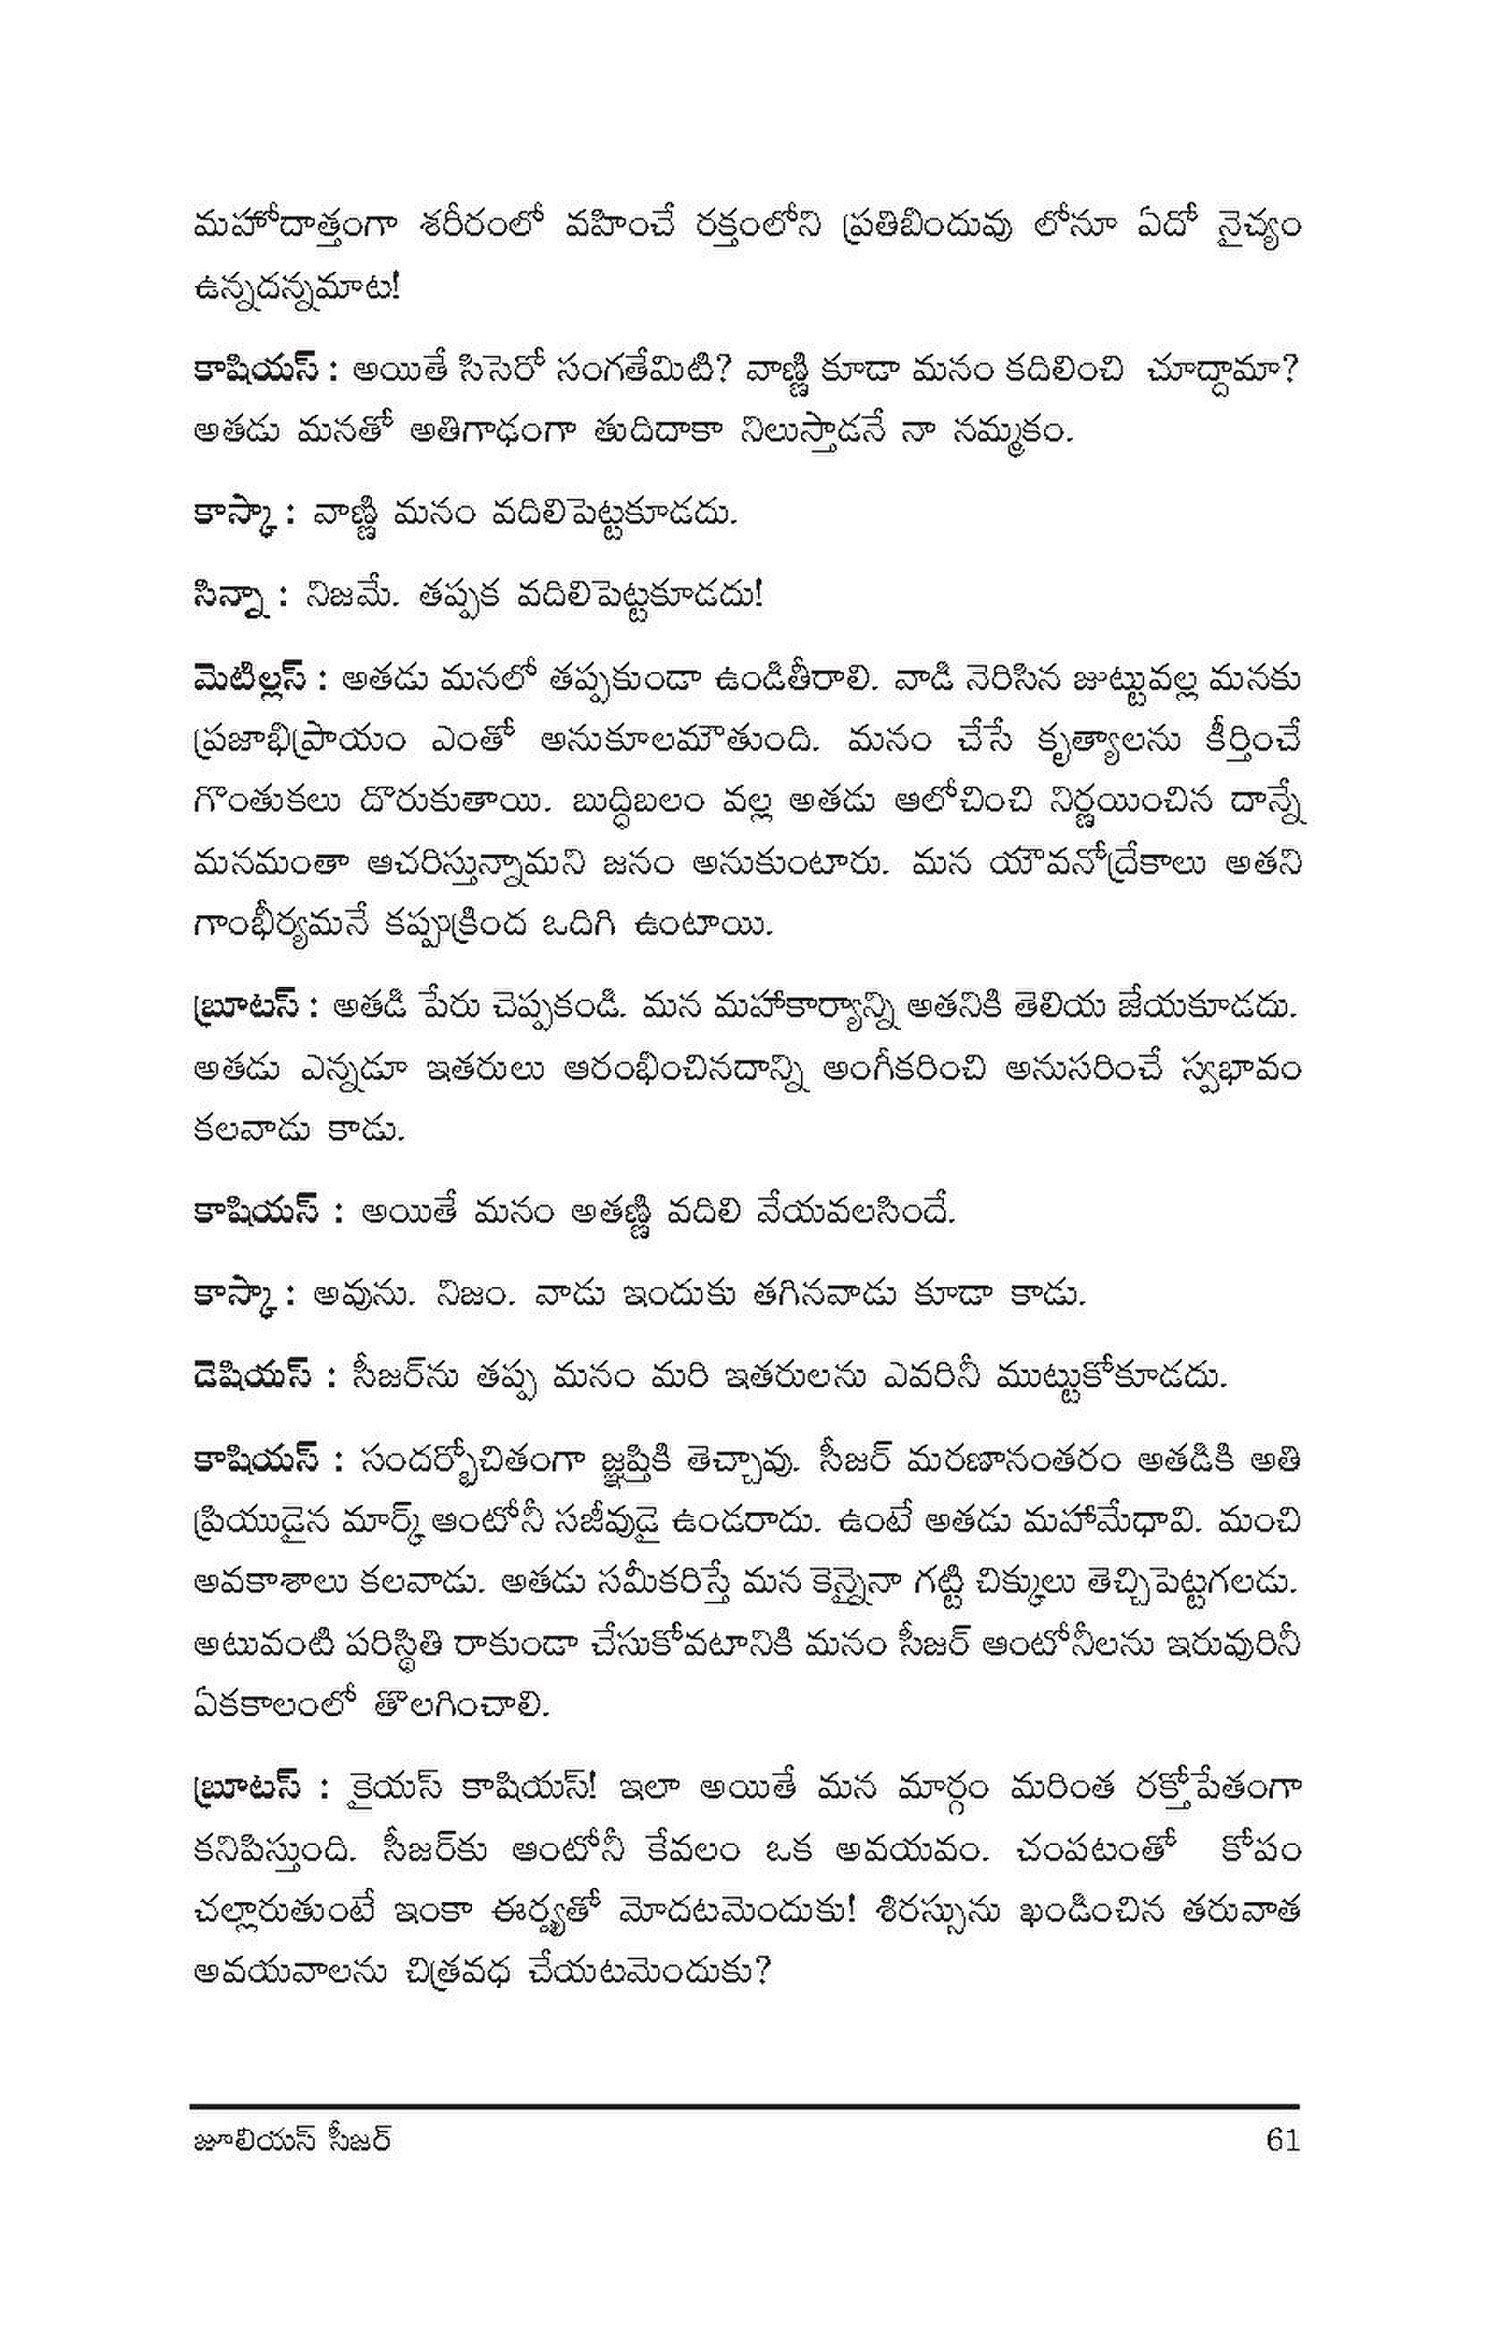మహోదాత్తంగా శరీరంలో వహించే రక్తంలోని ప్రతిబిందువు లోనూ ఏదో నైచ్యం ఉన్నదన్నమాట!

కాషియస్ : అయితే సిసెరో సంగతేమిటి? వాణ్ణి కూడా మనం కదిలించి చూద్దామా? అతడు మనతో అతిగాఢంగా తుదిదాకా నిలుస్తాడనే నా నమ్మకం.

కాస్కా : వాణ్ణి మనం వదిలిపెట్టకూడదు.

సిన్నా : నిజమే. తప్పక వదిలిపెట్టకూడదు!

మెటిల్లస్ : అతడు మనలో తప్పకుండా ఉండితీరాలి. వాడి నెరిసిన జుట్టువల్ల మనకు ప్రజాభిప్రాయం ఎంతో అనుకూలమౌతుంది. మనం చేసే కృత్యాలను కీర్తించే గొంతుకలు దొరుకుతాయి. బుద్ధిబలం వల్ల అతడు ఆలోచించి నిర్ణయించిన దాన్నే మనమంతా ఆచరిస్తున్నామని జనం అనుకుంటారు. మన యౌవనోద్రేకాలు అతని గాంభీర్యమనే కప్పుక్రింద ఒదిగి ఉంటాయి.

బ్రూటస్ : అతడి పేరు చెప్పకండి. మన మహాకార్యాన్ని అతనికి తెలియ జేయకూడదు. అతడు ఎన్నడూ ఇతరులు ఆరంభించినదాన్ని అంగీకరించి అనుసరించే స్వభావం కలవాడు కాడు.

కాషియస్ : అయితే మనం అతణ్ణి వదిలి వేయవలసిందే.

కాస్కా : అవును. నిజం. వాడు ఇందుకు తగినవాడు కూడా కాడు.

డెషియస్ : సీజర్ ను తప్ప మనం మరి ఇతరులను ఎవరినీ ముట్టుకోకూడదు.

కాషియస్ : సందర్భోచితంగా జ్ఞప్తికి తెచ్చావు. సీజర్ మరణానంతరం అతడికి అతి ప్రియుడైన మార్క్ ఆంటోనీ సజీవుడై ఉండరాదు. ఉంటే అతడు మహామేధావి. మంచి అవకాశాలు కలవాడు. అతడు సమీకరిస్తే మన కెన్నైనా గట్టి చిక్కులు తెచ్చిపెట్టగలడు. అటువంటి పరిస్థితి రాకుండా చేసుకోవటానికి మనం సీజర్ ఆంటోనీలను ఇరువురినీ
ఏకకాలంలో తొలగించాలి.

బ్రూటస్ : కైయస్ కాషియస్! ఇలా అయితే మన మార్గం మరింత రక్తోపేతంగా కనిపిస్తుంది. సీజర్కు ఆంటోనీ కేవలం ఒక అవయవం. చంపటంతో కోపం చల్లారుతుంటే ఇంకా ఈర్ష్యతో మోదటమెందుకు! శిరస్సును ఖండించిన తరువాత అవయవాలను చిత్రవధ చేయటమెందుకు?